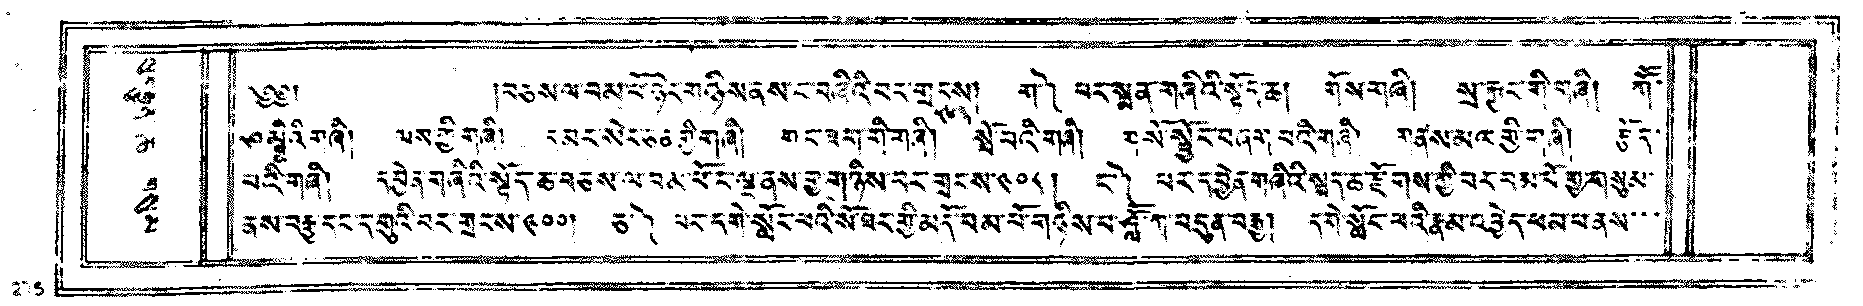༄༅། །བཅས་ལ་བམ་པོ་ཉེར་གཉིས་ནས་ང་བཞིའི་བར་གྲངས ༥༦༣། ག་པར་སྨན་གཞིའི་སྟོད་ཆ། གོས་གཞི། སྲ་རྐྱང་གི་གཞི། ཀཽ་
ཤམྦྷིའི་གཞི། ལས་ཀྱི་གཞི། དམར་སེར་ཅན་གྱི་གཞི། གང་ཟག་གི་གཞི། སྤོ་བའི་གཞི། གསོ་སྦྱོང་བཞག་པའི་གཞི། གནས་མལ་གྱི་གཞི། རྩོད་
པའི་གཞི། དབྱེན་གཞིའི་སྟོད་ཆ་བཅས་ལ་བམ་པོ་ང་ལྔ་ནས་གྱ་གཉིས་བར་གྲངས ༤༠༨། ང་པར་དབྱེན་གཞིའི་སྨད་ཆ་རྫོགས་ཀྱི་བར་བམ་པོ་གྱ་གསུམ་
ནས་བརྒྱ་དང་དགུའི་བར་གྲངས ༤༠༠། ཅ་པར་དགེ་སློང་ཕའི་སོ་ཐར་གྱི་མདོ་བམ་པོ་གཉིས་པ་ཤླཽ་ཀ་བདུན་བརྒྱ། དགེ་སློང་ཕའི་རྣམ་འབྱེད་ཕམ་པ་ནས་